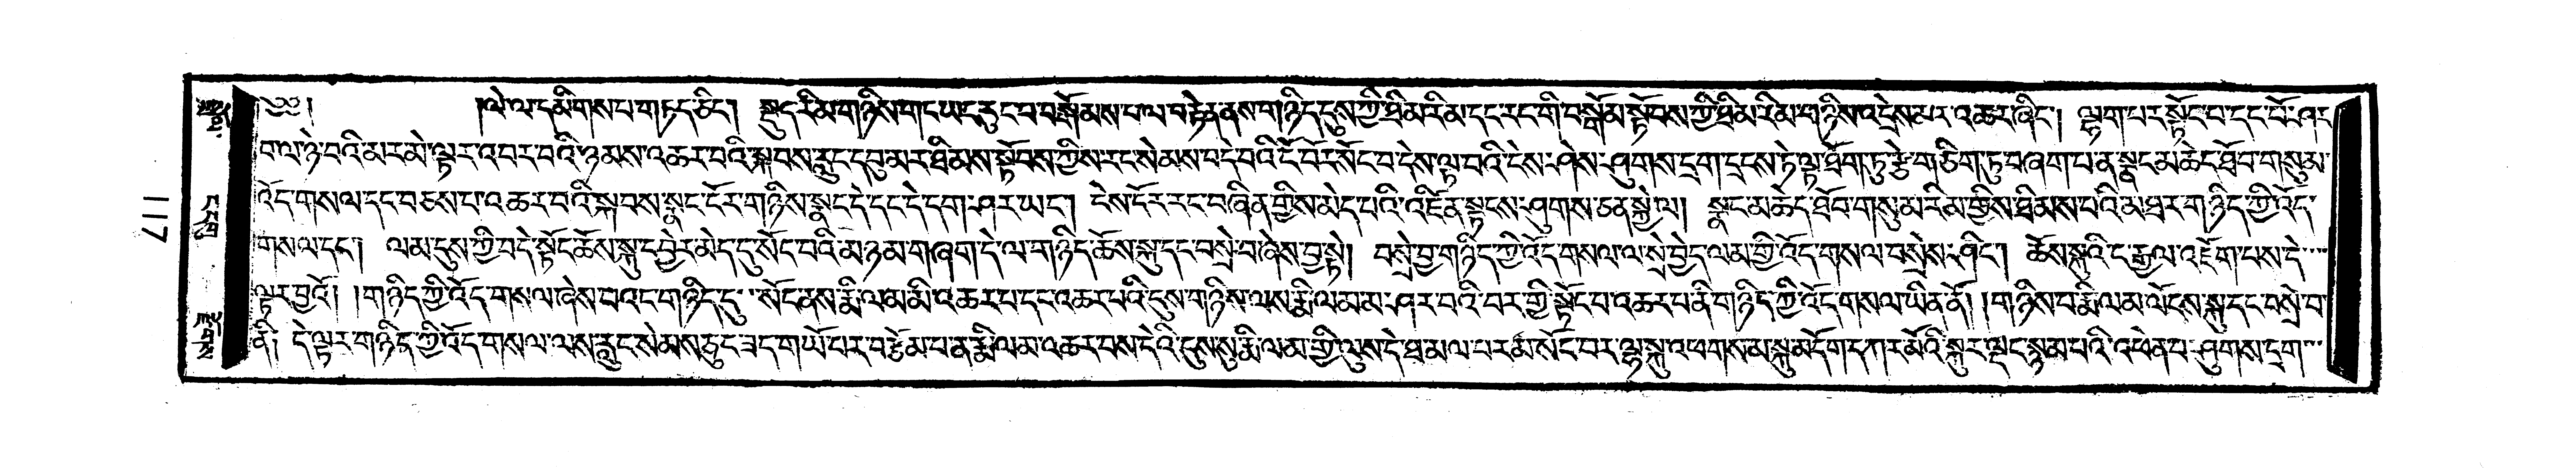༄༅། །ལེ་ལ་དམིགས་པ་གཏད་ཅིང་། སྡུད་རིམ་གཉིས་གང་ཡང་རུང་བ་བསྒོམས་པ་ལ་བརྟེན་ནས་གཉིད་དུས་ཀྱི་ཐིམ་རིམ་དང་རང་གི་བསྒོམ་སྟོབས་ཀྱི་ཐིམ་རིམ་གཉིས་འདྲེས་ནས་འཆར་ཞིང་། ལྷག་པར་སྟོང་པ་དང་པོ་ཤར་
བ་ལ་ཉེ་བའི་མར་མེ་ལྟར་འབར་བའི་ཉམས་འཆར་བའི་སྐབས་རླུང་དབུ་མར་ཐིམས་སྟོབས་ཀྱིས་རང་སེམས་བདེ་བའི་ངོ་བོར་སོང་བསྲིས་ཤིང་། ཆོས་སྐུའི་ང་རྒྱལ་འཇོག་པས་དེ་ལྟར་བྱའོ། རྩེ་གཅིག་ཏུ་བཞག་པ་ན་སྣང་མཆེད་ཐོབ་གསུམ་
འོད་གསལ་དང་བཅས་པ་འཆར་བའི་སྐབས་སྣང་ངོར་གཉིས་སྣང་དེ་དང་དེ་དག་ཤར་ཡང་། ངེས་ངོར་རང་བཞིན་གྱིས་མེད་པའི་འཛིན་སྟངས་ཤུགས་ཅན་སྐྱེ་ལ། སྣང་མཆེད་ཐོབ་གསུམ་རིམ་གྱིས་ཐིམས་པའི་མཐར་གཉིད་ཀྱི་འོད་
གསལ་དང་། ལམ་དུས་ཀྱི་བདེ་སྟོང་ཆོས་སྐུ་དབྱེར་མེད་དུ་སོང་བའི་མཉམ་གཞག་དེ་ལ་གཉིད་ཆོས་སྐུ་དང་བསྲེ་བ་ཞེས་བྱ་སྟེ། བསྲེ་བྱ་གཉིད་ཀྱི་འོད་གསལ་ལ་སྲེ་བྱེད་ལམ་གྱི་འོད་གསལ་བསྲིས་ཤིང་། ཆོས་སྐུའི་ང་རྒྱལ་འཇོག་པས་དེ་
ལྟར་བྱའོ། །གཉིད་ཀྱི་འོད་གསལ་ཞེས་པའང་གཉིད་དུ་སོང་ནས་རྨི་ལམ་མི་འཆར་པ་དང་འཆར་བའི་དུས་གཉིས་ལས་རྨི་ལམ་མ་ཤར་བའི་བར་གྱི་སྟོང་པ་འཆར་བ་ནི་གཉིད་ཀྱི་འོད་གསལ་ཡིན་ནོ། །གཉིས་པ་རྨི་ལམ་ལོངས་སྐུ་དང་བསྲེ་བ་
ནི༑ དེ་ལྟར་གཉིད་ཀྱི་འོད་གསལ་ལས་རླུང་སེམས་ཅུང་ཟད་གཡོ་བར་བརྩོམ་པ་ན་རྨི་ལམ་འཆར་བས་དེའི་དུས་སུ་རྨི་ལམ་གྱི་ལུས་དེ་ཐ་མལ་བར་མ་སོང་བར་ལྷ་སྐུ་འཕགས་མ་སྐུ་མདོག་དཀར་མོའི་སྐུར་ལྡང་སྙམ་པའི་འཕེན་པ་ཤུགས་དྲག་